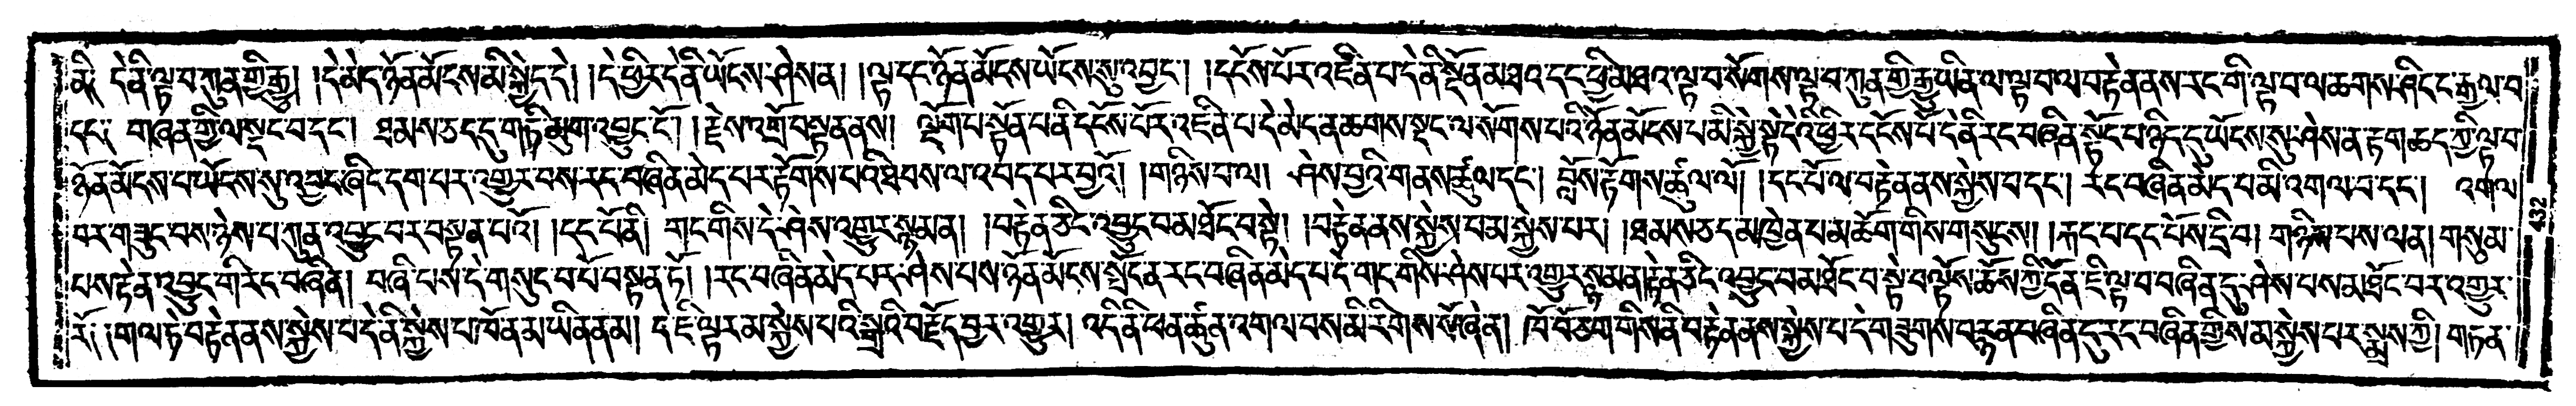ནི། དེ་ནི་ལྟ་བ་ཀུན་གྱི་རྒྱུ། །དེ་མེད་ཉོན་མོངས་མི་སྐྱེད་དེ། །དེ་ཕྱིར་དེ་ནི་ཡོངས་ཤེས་ན། །ལྟ་དང་ཉོན་མོངས་ཡོངས་སུ་འབྱང་། །དངོས་པོར་འཛིན་པ་དེ་ནི་སྔོན་མཐའ་དང་ཕྱི་མཐའ་ལྟ་བ་སོགས་ལྟ་བ་ཀུན་གྱི་རྒྱུ་ཡིན་ལ་ལྟ་བ་ལ་བརྟེན་ནས་རང་གི་ལྟ་བ་ལ་ཆགས་ཤིང་ང་རྒྱལ་བ་
དང་། གཞན་གྱི་ལ་སྡང་བ་དང་། ཐམས་ཅད་དུ་གཏི་མུག་འབྱུང་ངོ། །རྗེས་འགྲོ་བསྟན་ནས། ལྡོག་པ་སྟོན་པ་ནི་དངོས་པོར་འཛིན་པ་དེ་མེད་ན་ཆགས་སྡང་ལ་སོགས་པའི་ཉོན་མོངས་པ་མི་སྐྱེ་སྟེ་དེའི་ཕྱིར་དངོས་པོ་དེ་ནི་རང་བཞིན་སྟོང་པ་ཉིད་དུ་ཡོངས་སུ་ཤེས་ན་རྟག་ཆད་ཀྱི་ལྟ་བ་
ཉོན་མོངས་པ་ཡོངས་སུ་འབྱང་ཞིང་དག་པར་འགྱུར་བས་རང་བཞིན་མེད་པར་རྟོགས་པའི་ཐབས་ལ་འབད་པར་བྱའོ། །གཉིས་པ་ལ། ཤེས་བྱའི་གནས་ཚུལ་དང་། བློས་རྟོགས་ཚུལ་ལོ། །དང་པོ་ལ་བརྟེན་ནས་སྐྱེས་པ་དང་། རང་བཞིན་མེད་པ་མི་འགལ་བ་དང་། འགལ་
བར་གཟུང་བས་ཉེས་པ་ཀུན་འབྱུང་བར་བསྟན་པའོ། །དང་པོ་ནི། གང་གིས་དེ་ཤེས་འགྱུར་སྙམ་ན། །བརྟེན་ཅིང་འབྱུང་བ་མཐོང་བ་སྟེ། །བརྟེན་ནས་སྐྱེས་པ་མ་སྐྱེས་པར། །ཐམས་ཅད་མཁྱེན་པ་མཆོག་གིས་གསུངས། །རྐང་པ་དང་པོས་དྲི་བ། གཉིས་པས་ལན། གསུམ་
པས་རྟེན་འབྱུང་གི་རང་བཞིན། བཞི་པས་དེ་གསུང་པ་པོ་བསྟན་ཏོ། །རང་བཞིན་མེད་པར་ཤེས་པས་ཉོན་མོངས་སྤོང་ན་རང་བཞིན་མེད་པ་དེ་གང་གིས་ཤེས་པར་འགྱུར་སྙམ་ན། རྟེན་ཅིང་འབྱུང་བ་མཐོང་བ་སྟེ་བལྟོས་ཆོས་ཀྱི་དོན་ཇི་ལྟ་བ་བཞིན་དུ་ཤེས་པས་མཐོང་བར་འགྱུར་
རོ། །གལ་ཏེ་བརྟེན་ནས་སྐྱེས་པ་དེ་ནི་སྐྱེས་པ་ཁོ་ན་མ་ཡིན་ནམ། དེ་ཇི་ལྟར་མ་སྐྱེས་པའི་སྒྲའི་བརྗོད་བྱར་འགྱུར། འདི་ནི་ཕན་ཚུན་འགལ་བས་མི་རིགས་སོ་ཞེ་ན། ཁོ་བོ་ཅག་གིས་ནི་བརྟེན་ནས་སྐྱེས་པ་དེ་གཟུགས་བརྙན་བཞིན་དུ་རང་བཞིན་གྱིས་མ་སྐྱེས་པར་སྨྲས་ཀྱི། གཏན་